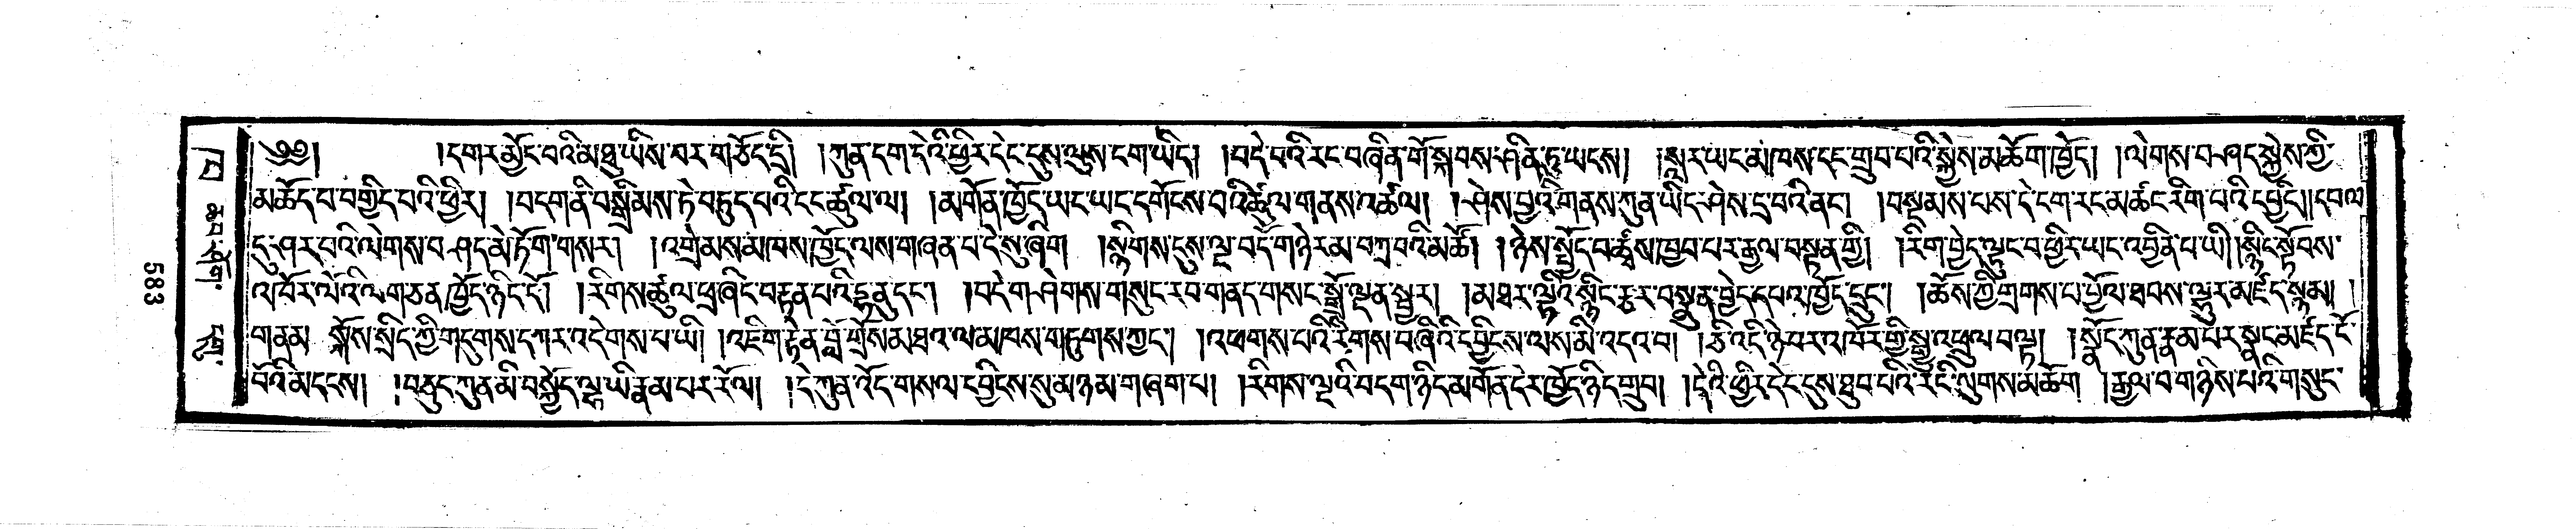༄༅། །དགར་མྱོང་བའི་མཐུ་ཡིས་བར་གཅོད་དྲི། །ཀུན་དག་དེའི་ཕྱིར་དེང་དུས་ལུས་ངག་ཡིད། །བདེ་བའི་རང་བཞིན་གོ་སྐབས་ཤིན་ཏུ་ཡངས། །སླར་ཡང་མཁས་དང་གྲུབ་པའི་སྐྱེས་མཆོག་ཁྱོད། །ལེགས་བཤད་སྐྱེས་ཀྱི་
མཆོད་པ་བགྱིད་པའི་ཕྱིར། །བདག་ནི་བསྒྲིམས་ཏེ་བཏུད་པའི་ངང་ཚུལ་ལ། །མགོན་ཁྱོད་ཡང་ཡང་དགོངས་པའི་ཚུལ་གནས་འཚལ། །ཤེས་བྱའི་གནས་ཀུན་ཡིད་ཤེས་དྲ་བའི་ནང་། །བསྡམས་པས་དེ་ངག་རང་མཚང་རིག་པའི་དབྱིང་། །དཔལ་
དུ་ཤར་བའི་ལེགས་བཤད་མེ་ཏོ་ག་གསར། །འགྲེམས་མཁས་ཁྱོད་ལས་གཞན་པ་དེ་སུ་ཞིག །སྙིགས་དུས་ལྔ་བདོ་གཉེར་མ་བཀྲ་བའི་མཚོ། །ཉེས་སྤྱོད་བ་ཚྭས་ཁྱབ་པར་རྒྱལ་བསྟན་གྱི། །རིག་བྱེད་ལྷུང་བ་ཕྱིར་ཡང་འབྱིན་པ་ཡི། །སྙིང་སྟོབས་
འཁོར་ལོའི་ལག་ཅན་ཁྱོད་ཉིད་དོ། །རིགས་ཚུལ་ཕྲ་ཞིང་བརྟན་པའི་དྷ་ནུ་དང་། །བདེ་གཤེགས་གསུང་རབ་གནད་གསང་སྒྲོ་ལྡན་སྦྱར། །མཐར་ལྷའི་སྙིང་རྩར་བསྣུན་བྱེད་དཔའ་ཁྱོད་དྲུང་། །ཆོས་ཀྱི་གྲགས་པ་བྱོལ་ཐབས་ལྷུར་མཛད་སྙམ། །
གནམ། སྐོས་སྲིད་ཀྱི་གདུགས་དཀར་འདེགས་པ་ཡི། །འཇིག་རྟེན་བློ་གྲོས་མཐའ་ལ་མཁས་གཏུགས་ཀྱང་། །འཕགས་པའི་རིགས་བཞིའི་དབྱིངས་ལས་མི་འདའ་བ། །ཅི་འདི་ཉེ་བར་འཁོར་གྱི་སྒྱུ་འཕྲུལ་བལྟ། །སྣོང་ཀུན་རྣམ་པར་སྣང་མཛད་ངོ་
བོའི་མདངས། །བཅུང་ཀུན་མི་བསྐྱོད་ལྷ་ཡི་རྣམ་པར་རོལ། །དེ་ཀུན་འོད་གསལ་དབྱིངས་སུ་མཉམ་གཞག་པ། །རིགས་ལྔའི་བདག་ཉིད་མགོན་དེར་ཁྱོད་ཉིད་གྲུབ། །དེའི་ཕྱིར་དེང་དུས་ཐུབ་པའི་རིང་ལུགས་མཆོག །རྒྱལ་བ་གཉིས་པའི་གསུང་